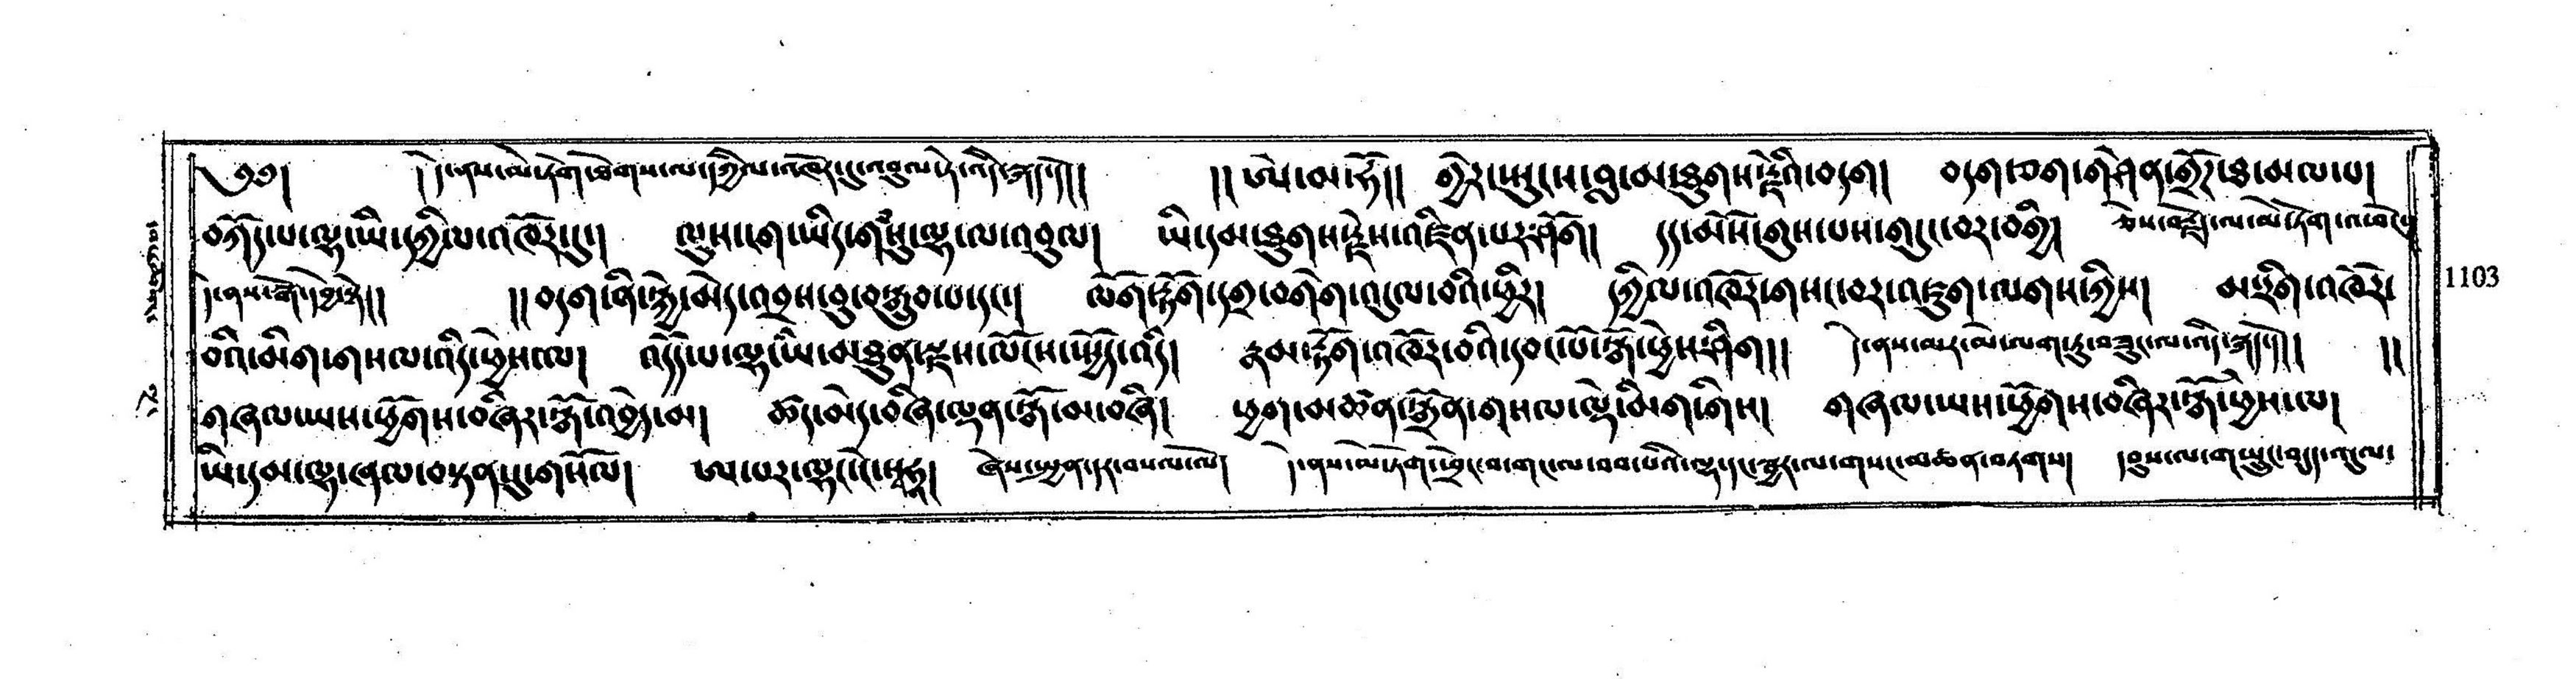{1122} དེ་ནས་མེ་ཏོག་ཐོགས་ལ་དཀྱིལ་འཁོར་དུ་འབུལ་ཏེ་འདི་སྐད་དོ།། །།ཨེ་མ་ཧོ།། གྱེར་སྤུངས་བླ་མ་ཐུགས་རྗེའི་བདག །བདག་ཅག་གཤེན་གྲོགས་ཐ་མལ་པ། 
བཀོད་པ་ལྷ་ཡི་དཀྱིལ་འཁོར་དུ། ལུས་ངག་ཡིད་གསུམ་ལྷ་ལ་འབུལ། ཡི་དམ་ཐུགས་རྗེས་འཛིན་པར་ཤོག དད་མོས་གུས་པས་གདུང་པར་བགྱི། ཅེས་བརྗོད་ལ་མེ་ཏོག་འཕང་ངོ་། 
དེ་ནས་སྒོ་དབྱེ་སྟེ།། །།བདག་ནི་སྐྱེ་མེད་འབྲས་བུ་བསྒྲུབ་པ་དང་། ལོག་རྟོག་དགྲ་བགེག་འདུལ་བའི་ཕྱིར། དཀྱིལ་འཁོར་གསང་བར་འཇུག་ལགས་ཀྱིས། མ་རིག་འཁོར་
བའི་མིག་གསལ་འདི་ཕྱེས་ལ། འདོད་པ་ལྷ་ཡི་མཐུན་རྫས་ལོངས་སྤྱོད་འདི། རྣམ་རྟོག་འཁོར་བའི་དབང་པོ་སྒོ་ཕྱེས་ཤིག །། དེ་ནས་མར་མེ་ལག་ཏུ་བཟུང་ལ་འདི་སྐད་དོ།། 
།།གཞལ་ཡས་ཕྱོགས་བཞིར་སྒོ་འབྱེད་མ། ཚད་མེད་བཞི་ལྡན་སྒོ་མ་བཞི། ཕྱག་མཚན་སྒྲོན་གསལ་ལྡེ་མིག་གིས། གཞལ་ཡས་ཕྱོགས་བཞིར་སྒོ་ཕྱེས་ལ། 
ཡི་དམ་ལྷ་ཞལ་བསྟན་དུ་གསོལ། ཨ་པར་ལྷང་ངེ་སྭཧཱ། ཞེས་སྤྱན་དར་{1123}བསལ་ལོ། དེ་ནས་མེ་ཏོག་ཕྲེང་བ་གང་ལ་བབ་པའི་ལྷ་དང་སྦྱར་ལ་གསང་མཚན་བཏགས། དབུས་ལ་གཡུང་དྲུང་བདུད་འདུལ་